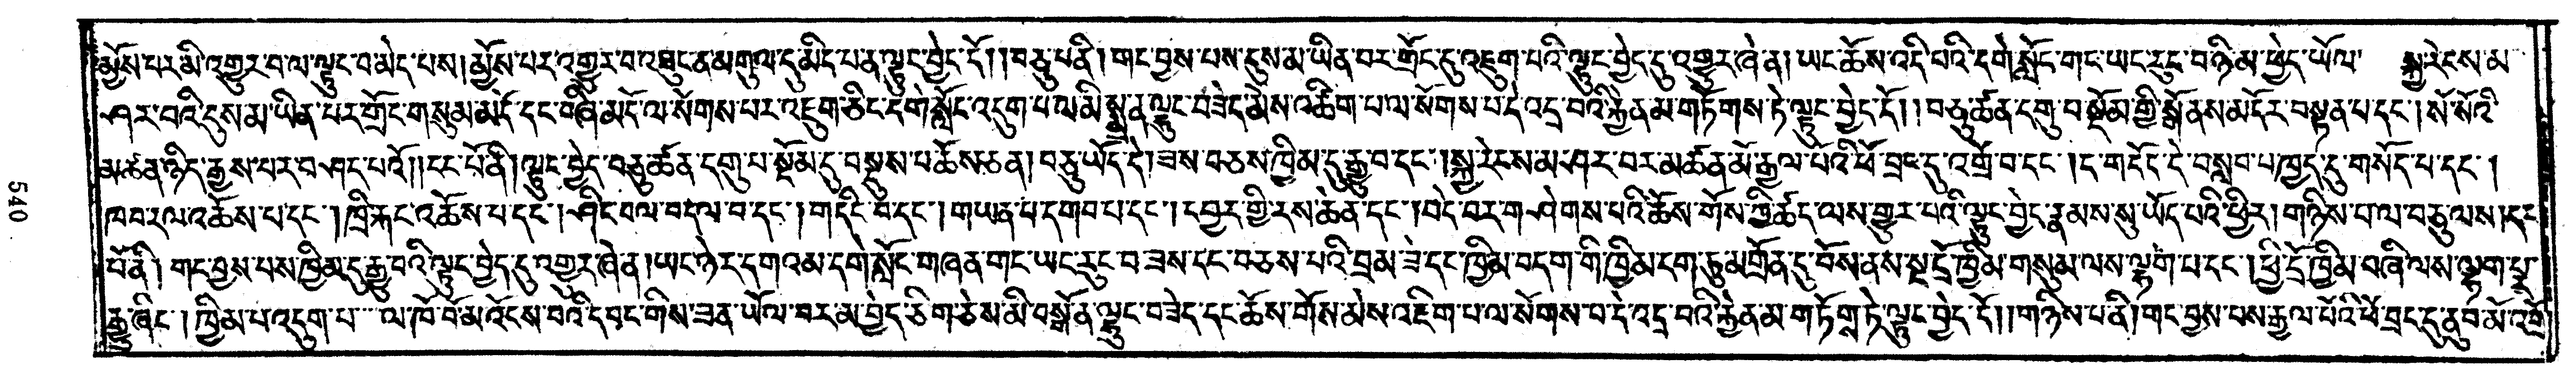མྱོས་པར་མི་འགྱུར་བ་ལ་ལྟུང་བ་མེད་པས། མྱོས་པར་འགྱུར་བ་འཐུང་ན་མགུལ་དུ་མིད་པ་ན་ལྟུང་བྱེད་དོ། །བཅུ་པ་ནི། གང་བྱས་པས་དུས་མ་ཡིན་པར་གྲོང་དུ་འཇུག་པའི་ལྟུང་བྱེད་དུ་འགྱུར་ཞེ་ན། ཡང་ཆོས་འདི་པའི་དགེ་སློང་གང་ཡང་རུང་བ་ཉི་མ་ཕྱེད་ཡོལ། སྐྱ་རེངྶྨ་
ཤར་བའི་དུས་མ་ཡིན་པར་གྲོང་གསུམ་མདོ་དང་བཞི་མདོ་ལ་སོགས་པར་འཇུག་ཅིང་དགེ་སློང་འདུག་པ་ལ་མི་སྨྲ་ན་ལྟུང་བཟེད་མེས་འཚིག་པ་ལ་སོགས་པ་དེ་འདྲ་བའི་རྐྱེན་མ་གཏོགས་ཏེ་ལྟུང་བྱེད་དོ། །བཅུ་ཚན་དགུ་བསྡོམ་གྱི་སྒོ་ནས་མདོར་བསྟན་པ་དང་། སོ་སོའི་
མཚན་ཉིད་རྒྱས་པར་བཤད་པའོ། །དང་པོ་ནི། ལྟུང་བྱེད་བཅུ་ཚན་དགུ་པ་སྔོམ་དུ་བསྡུས་པ་ཆོས་ཅན། བཅུ་ཡོད་དེ། ཟས་བཅས་ཁྱིམ་དུ་རྒྱུ་བ་དང་། སྐྱ་རེངས་མ་ཤར་བར་མཚན་མོ་རྒྱལ་པོའི་ཕོ་བྲང་དུ་འགྲོ་བ་དང་། ད་གདོད་དེ་བསླབ་པ་ཁྱད་དུ་གསོད་པ་དང་།
ཁབ་རལ་འཆོས་པ་དང་། ཁྲི་རྐང་འཆོས་པ་དང་། ཤིང་བལ་བདལ་བ་དང་། གདིང་བ་དང་། གཡན་པ་དགབ་པ་དང་། དབྱར་གྱི་རས་ཆེན་དང་། བདེ་བར་གཤེགས་པའི་ཆོས་གོས་ཀྱི་ཚད་ལས་གྱུར་པའི་ལྟུང་བྱེད་རྣམས་སུ་ཡོད་པའི་ཕྱིར། གཉིས་པ་ལ་བཅུ་ལས། དང་
པོ་ནི། གང་བྱས་པས་ཁྱིམ་དུ་རྒྱུ་བའི་ལྟུང་བྱེད་དུ་འགྱུར་ཞེ་ན། ཡང་ཉེར་དགའམ་དགེ་སློང་གཞན་གང་ཡང་རུང་བ་ཟས་དང་བཅས་པའི་བྲམ་ཟེ་དང་ཁྱིམ་བདག་གི་ཁྱིམ་དག་ཏུ་མགྲོན་དུ་བོས་ནས་སྔ་དྲོ་ཁྱིམ་གསུམ་ལས་ལྷག་པ་དང་། ཕྱི་དྲོ་ཁྱིམ་བཞི་ལས་ལྷག་པར་
རྒྱུ་ཞིང་། ཁྱིམ་པ་འདུག་པ་ལ་ཁོ་བོ་མ་འོངས་བའི་དབང་གིས་ཟན་ཡོལ་བར་མ་བྱེད་ཅིག་ཅེས་མི་བསྒོ་ན་ལྷུང་བཟེད་དང་ཆོས་གོས་མེས་འཇིག་པ་ལ་སོགས་པ་དེ་འདྲ་བའི་རྐྱེན་མ་གཏོགས་ཏེ་ལྟུང་བྱེད་དོ། །གཉིས་པ་ནི། གང་བྱས་པས་རྒྱལ་པོའི་ཕོ་གྦྲང་དུ་ནུབ་མོ་འགྲོ་